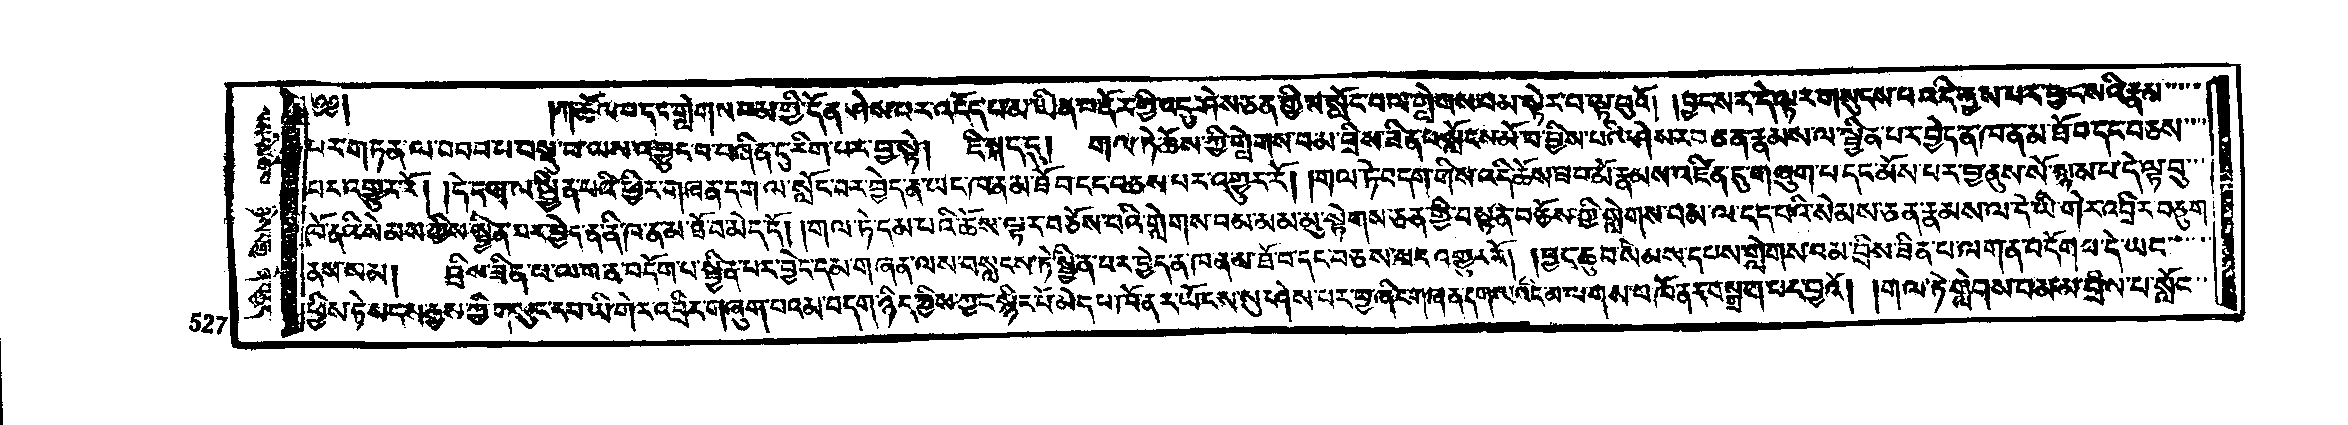༄༅། །ཀ་ཚོལ་བ་དང་གླེགས་བམ་གྱི་དོན་ཤེས་པར་འདོད་པ་མ་ཡིན་པ་ནོར་གྱི་འདུ་ཤེས་ཅན་གྱིས་སློང་བ་ལ་གླེགས་བམ་སྟེར་བ་ལྟ་བུའོ། །བྱང་སར་དེ་ལྟར་གསུངས་པ་འདི་རྒྱས་པར་བྱང་སའི་རྣམ་
པར་གཏན་ལ་དབབ་པ་བསྡུ་བ་ལས་འབྱུང་བ་བཞིན་དུ་རིག་པར་བྱ་སྟེ། ཇི་སྐད་དུ། གལ་ཏེ་ཆོས་ཀྱི་གླེགས་བམ་བྲིས་ཟིན་པ་སློངས་མོ་པ་བྱིས་པའི་ཤེས་རབ་ཅན་རྣམས་ལ་སྦྱིན་པར་བྱེད་ན་ཁ་ན་མ་ཐོ་བ་དང་བཅས་
པར་འགྱུར་རོ། །དེ་དག་ལ་སྦྱིན་པའི་ཕྱིར་གཞན་དག་ལ་སློང་བར་བྱེད་ན་ཡང་ཁ་ན་མ་ཐོ་བ་དང་བཅས་པར་འགྱུར་རོ། །གལ་ཏེ་བདག་གིས་འདི་ཆོས་ཟབ་མོ་རྣམས་འཛིན་དུ་གཞུག་པ་དང་མོས་པར་བྱ་ནུས་སོ་སྙམ་པ་དེ་ལྟ་བུ་
ཁོ་ནའི་སེམས་ཀྱིས་སྦྱིན་པར་བྱེད་ན་ནི་ཁ་ན་མ་ཐོ་བ་མེད་དོ། །གལ་ཏེ་དམ་པའི་ཆོས་ལྟར་བཅོས་པའི་གླེགས་བམ་མམ་མུ་སྟེགས་ཅན་གྱི་བསྟན་བཅོས་ཀྱི་གླེགས་བམ་ལ་དད་པའི་སེམས་ཅན་རྣམས་ལ་དེ་ཡི་གེར་འབྲིར་བཅུག་
ནས་སམ། བྲིས་ཟིན་པ་ལག་ན་བདོག་པ་སྦྱིན་པར་བྱེད་དམ་གཞན་ལས་བསླངས་ཏེ་སྦྱིན་པར་བྱེད་ན་ཁ་ན་མ་ཐོ་བ་དང་བཅས་པར་འགྱུར་རོ། །བྱང་ཆུབ་སེམས་དཔས་གླེགས་བམ་བྲིས་ཟིན་པ་ལག་ན་བདོག་པ་དེ་ཡང་
ཕྱིས་ཏེ་སངས་རྒྱས་ཀྱི་གསུང་རབ་ཡི་གེར་འབྲིར་གཞུག་པའམ་བདག་ཉིད་ཀྱིས་ཀྱང་སྙིང་པོ་མེད་པ་ཁོ་ནར་ཡོངས་སུ་ཤེས་པར་བྱ་ཞིང་གཞན་དག་ལའང་ལེགས་པ་ཁོ་ནར་བསྒྲག་པར་བྱའོ། །གལ་ཏེ་གླེགས་བམ་མ་བྲིས་པ་སློང་